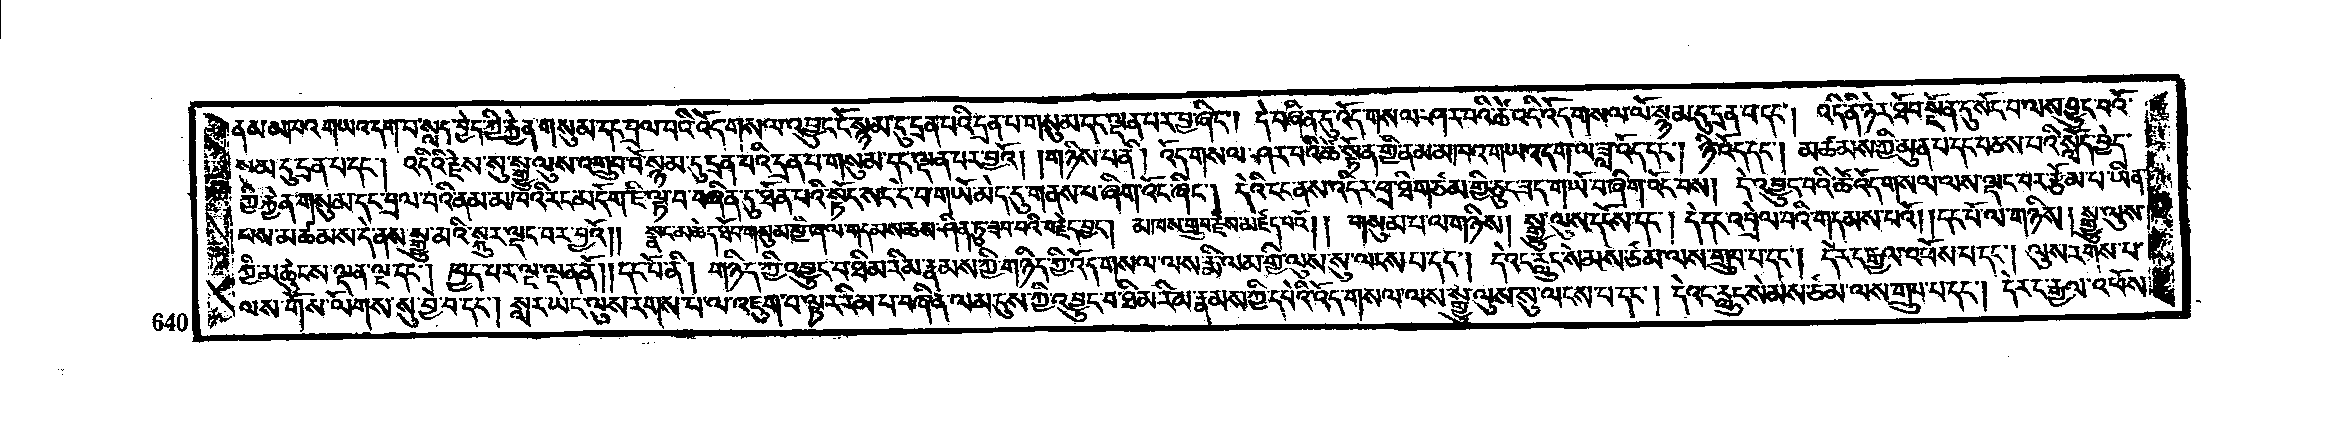ནམ་མཁའ་གཡའ་དག་པ་སློད་བྱེད་ཀྱི་རྐྱེན་གསུམ་དང་བྲལ་བའི་འོད་གསལ་འབྱུང་ངོ་སྙམ་དུ་དྲན་པའི་དྲན་པ་གསུམ་དང་ལྡན་པར་བྱ་ཞིང་། དེ་བཞིན་དུ་འོད་གསལ་ཤར་བའི་ཚེ་འདི་འོད་གསལ་ལོ་སྙམ་དུ་དྲན་པ་དང་། འདི་ནི་ཉེར་ཐོབ་སྔོན་དུ་སོང་བ་ལས་བྱུང་བའོ་
སྙམ་དུ་དྲན་པ་དང་། འདིའི་རྗེས་སུ་སྒྱུ་ལུས་འགྲུབ་བོ་སྙམ་དུ་དྲན་པའི་དྲན་པ་གསུམ་དང་ལྡན་པར་བྱའོ། །གཉིས་པ་ནི། འོད་གསལ་ཤར་བའི་ཚེ་སྟོན་གྱི་ནམ་མཁའ་གཡའ་དག་ལ་ཟླ་འོད་དང་། ཉི་འོད་དང་། མཚམས་ཀྱི་མུན་པ་དང་བཅས་པའི་སློད་བྱེད་
ཀྱི་རྐྱེན་གསུམ་དང་བྲལ་བའི་ནམ་མཁའི་རང་མདོག་ཇི་ལྟ་བ་བཞིན་དུ་ཐོན་པའི་སྟོང་སང་དེ་བ་གཡོ་མེད་དུ་གནས་པ་ཞིག་འོང་ཞིང་། དེའི་ངང་ནས་འདིར་ཕྲ་ཐིག་ཙམ་གྱི་ཅུང་ཟད་གཡོ་བ་ཞིག་འོང་བས། དེ་འབྱུང་བའི་ཚེ་འོད་གསལ་ལས་ལྡང་བར་རྩོམ་པ་ཡིན་
པས་མཚམས་དེ་ནས་སྒྱུ་མའི་སྐུར་ལྡང་བར་བྱའོ།། སྣང་མཆེད་ཐོབ་གསུམ་གྱི་ཞལ་གདམས་ཆས་ཤིན་ཏུ་ཟབ་པའི་བརྗོད་བྱང་། མཁས་གྲུབ་རྗེས་མཛད་པའོ། །གསུམ་པ་ལ་གཉིས། སྒྱུ་ལུས་དངོས་དང་། དེ་དང་འབྲེལ་བའི་གདམས་པའོ། །དང་པོ་ལ་གཉིས། སྒྱུ་ལུས་
ཀྱི་མཚུངས་ལྡན་ལྔ་དང་། ཁྱད་པར་ལྔ་ལྡན་ནོ། །དང་པོ་ནི། གཉིད་ཀྱི་འབྱུང་བ་ཐིམ་རིམ་རྣམས་ཀྱི་གཉིད་ཀྱི་འོད་གསལ་ལས་རྨི་ལམ་གྱི་ལུས་སུ་ལངས་པ་དང་། དེའང་རླུང་སེམས་ཙམ་ལས་གྲུབ་པ་དང་། དེར་ང་རྒྱལ་འཕོས་པ་དང་། ལུས་རགས་པ་
ལས་གོ་ས་ལོགས་སུ་བྱེ་བ་དང་། སླར་ཡང་ལུས་རགས་པ་ལ་འཇུག་པ་ལྟར་རིམ་པ་བཞིན་ལམ་དུས་ཀྱི་འབྱུང་བ་ཐིམ་རིམ་རྣམས་ཀྱི་དཔེའི་འོད་གསལ་ལས་སྒྱུ་ལུས་སུ་ལངས་པ་དང་། དེའང་རླུང་སེམས་ཙམ་ལས་གྲུབ་པ་དང་། དེར་ང་རྒྱལ་འཕོས་